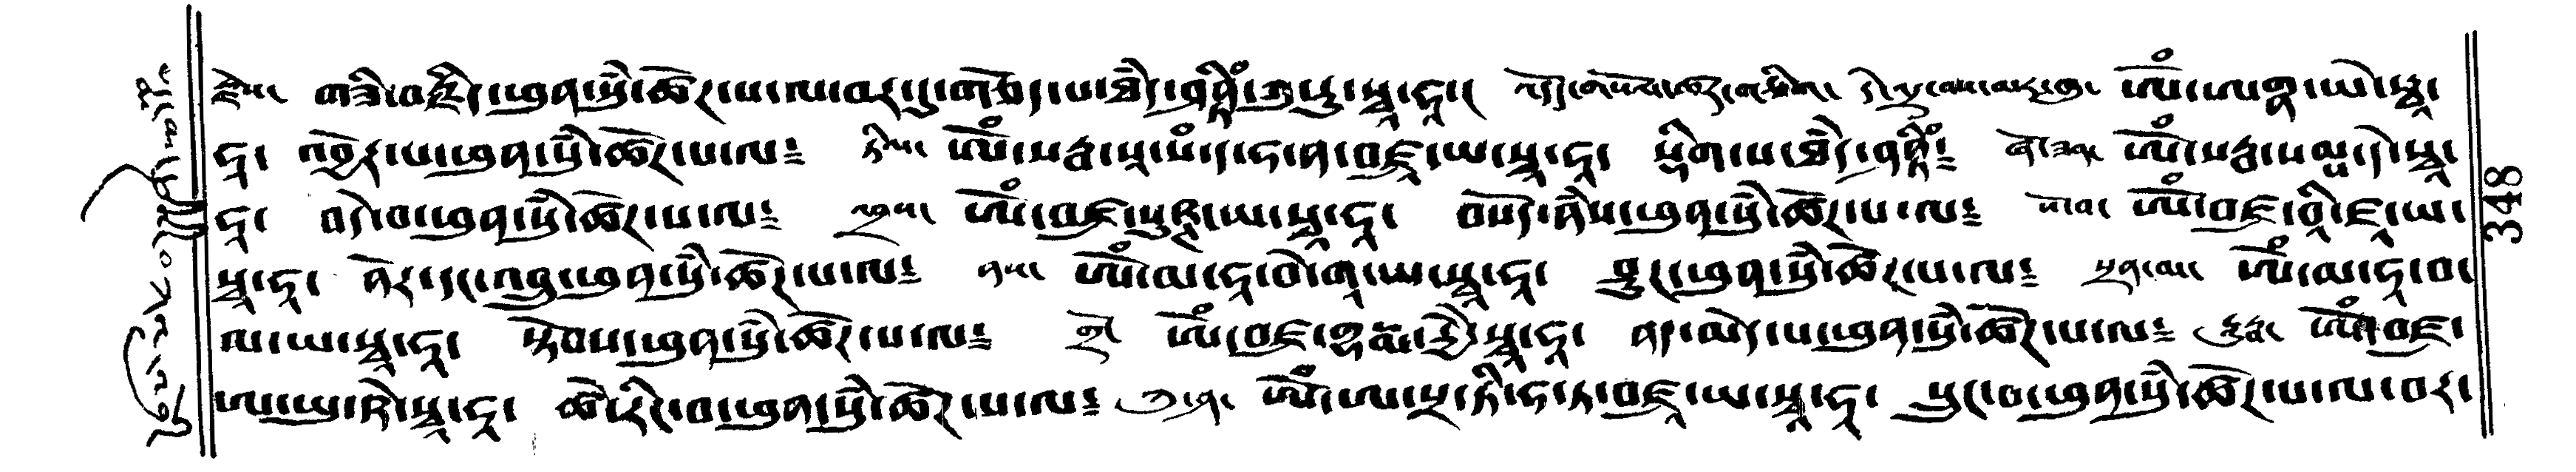རྗེས། གཟི་བརྗིད་ཕུན་སུམ་ཚོགས་པ་ལ་བར་དུ་གཅོད་པ་ཐམས་ཅད་ཤནྟིཾ་ཀུ་རུ་སྭཱ་ཧཱ། འདོད་གསོལ་ཚར་གཅིག དེ་འདྲ་བས། མར་ཁུ། ཨོཾ་ཨགྣ་ཡེ་སྭཱ་
ཧཱ། འབྱོར་པ་ཕུན་སུམ་ཚོགས་པ་ལ༴ ཏིལ། ཨོཾ་སརྦ་པཱ་པཾ་ད་ཧ་ན་བཛྲ་ཡ་སྭཱ་ཧཱ།སྡིག་པ་ཐམས་ཅད་ཤནྟིཾ༴ ཞོ་ཟན། ཨོཾ་སརྦ་སམྤ་དེ་སྭཱ་
ཧཱ། བདེ་བ་ཕུན་སུམ་ཚོགས་པ་ལ༴ འབྲས། ཨོཾ་བཛྲ་པུཥྚ་ཡེ་སྭཱ་ཧཱ། བསོད་ནམས་ཕུན་སུམ་ཚོགས་པ་ལ༴ སོ་བ། ཨ྄ྃ་བཛྲ་བཱི་ཛཱ་ཡ་
སྭཱ་སཱ། ནོར་དང་འབྲུ་ཕུན་སུམ་ཚོགས་པ་ལ༴ ནས། ཨོཾ་མ་ཧཱ་བེ་གཱ་ཡ་སྭཱ་ཧཱ། ཤུགས་ཕུན་སུམ་ཚོགས་པ་ལ་༴ སྲན་མ། ཨོཾ་མ་ཧཱ་བ་
ལ་ཡ་སྭཱ་ཧཱ། སྟོབས་ཕུན་སུམ་ཚོགས་པ་ལ༴ གྲོ། ཨོཾ་བཛྲ་གྷསྨ་རི་ཡེ་སྭཱ་ཧཱ། ནད་མེད་པ་ཕུན་སུམ་ཚོགས་པ་ལ༴ དུརྦ། ཨོཾ་བཛྲ་
ཨ་ཡུ་རེ་སྭཱ་ཧཱ། ཚེ་རིང་བ་ཕུན་སུམ་ཚོགས་པ་ལ༴ ཀུ་ཤ ཨོཾ་ཨ་པྲ་ཏི་ཧ་ཏ་བཛྲ་ཡ་སྭཱ་ཧཱ། སྲུང་བ་ཕུན་སུམ་ཚོགས་པ་ལ་བར་